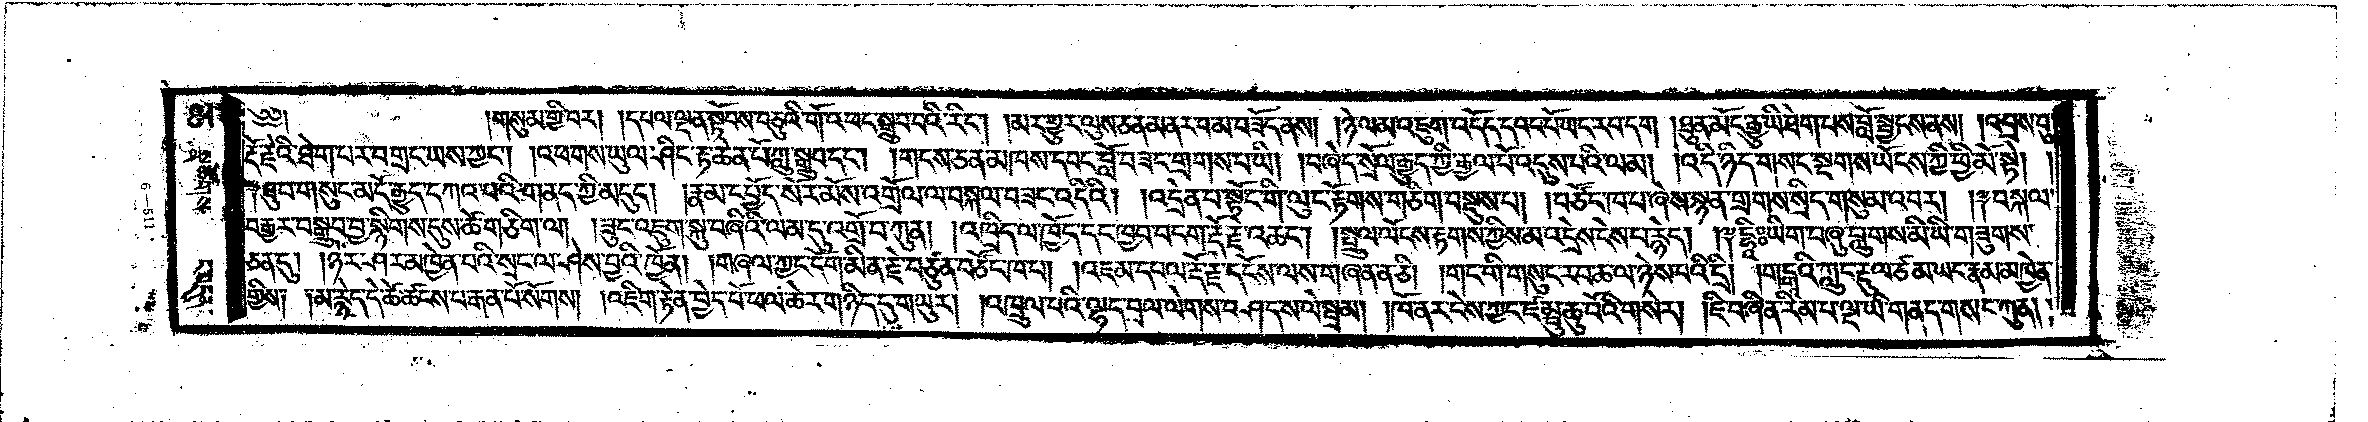༄༅། །གསུམ་གྱི་བར། །དཔལ་ལྡན་སྟོབས་བཅུའི་གོ་འཕང་སྒྲུབ་པའི་རིང་། །མར་གྱུར་ལུས་ཅན་མནར་བ་མ་བཟོད་ནས། །ཉེ་ལམ་འཇུག་འདོད་དབང་པོ་ཡང་རབ་དག །ཐུན་མོང་རྒྱུ་ཡི་ཐེག་པས་བློ་སྦྱངས་ནས། །འབྲས་བུ་
རྡོ་རྗེའི་ཐེག་པར་བགྲང་ཡས་ཀྱང་། །འཕགས་ཡུལ་ཤིང་རྟ་ཆེན་པོ་ཀླུ་སྒྲུབ་དང་། །གངས་ཅན་མཁས་དབང་བློ་བཟང་གྲགས་པ་ཡི། །བཞེད་སྲོལ་རྒྱུད་ཀྱི་རྒྱལ་པོ་འདུས་པའི་ལམ། །འདི་ཉིད་གསང་སྔགས་ཡོངས་ཀྱི་ཕྱི་མོ་སྟེ། །
༈ ཐུབ་གསུང་མདོ་རྒྱུད་དཀའ་བའི་གནད་ཀྱི་མདུད། །རྣམ་དཔྱོད་སོར་མོས་འགྲོལ་ལ་བསྐལ་བཟང་འདིའི། །འདྲེན་པ་སྟོང་གི་ལུང་རྟོགས་གཅིག་བསྡུས་པ། །བཙོང་ཁ་པ་ཞེས་སྙན་གྲགས་སྲིད་གསུམ་པར། ། ༈ བསྐལ་
བརྒྱར་བསྒྲུབ་བྱ་སྙིགས་དུས་ཚེ་གཅིག་ལ། །ཟུང་འཇུག་སྐུ་བཞིའི་ལམ་དུ་འགྲོ་བ་ཀུན། །འཁྲིད་ལ་ཁྱོད་དང་ཁྱབ་བདག་རྡོ་རྗེ་འཆང་། །སྤྲུལ་ལོངས་རྟགས་ཀྱིས་མ་འདྲེས་ངེས་བརྙེད། །༈ དྷཱིཿཡིག་བཞུ་བླུགས་མི་ཡི་གཟུགས་
ཅན་དུ། །ཉེར་ཤར་མཁྱེན་པའི་སྲང་ལ་ཤེས་བྱའི་ཁྱོན། །གཞལ་ཀྱང་དོག་མིན་རྗེ་བཙུན་བཙོང་ཁ་པ། །འཇམ་དཔལ་རྡོ་རྗེ་དངོས་ལས་གཞན་ན་ཅི། །གང་གི་གསུང་རབ་ཆ་ལ་ཉེས་པའི་དྲི། །གངྒཱའི་ཀླུང་རྡུལ་ཙམ་ཡང་རྣམ་མཁྱེན་
གྱིས༑ ༑མ་རྙེད་དེ་ཚེ་ཚངས་བརྒན་པོ་སོགས། །འཇིག་རྟེན་བྱེད་པོ་ཕལ་ཆེར་གཉིད་དུ་གཡུར། །འཁྲུལ་པའི་ལྷད་བྲལ་ལེགས་བཤད་ས་ལེ་སྦྲམ། །ཁོ་ནར་ངེས་ཀྱང་ཛམ་བུ་ཆུ་བོའི་གསེར། །ཇི་བཞིན་རིམ་པ་ལྔ་ཡི་གནད་གསང་ཀུན། །